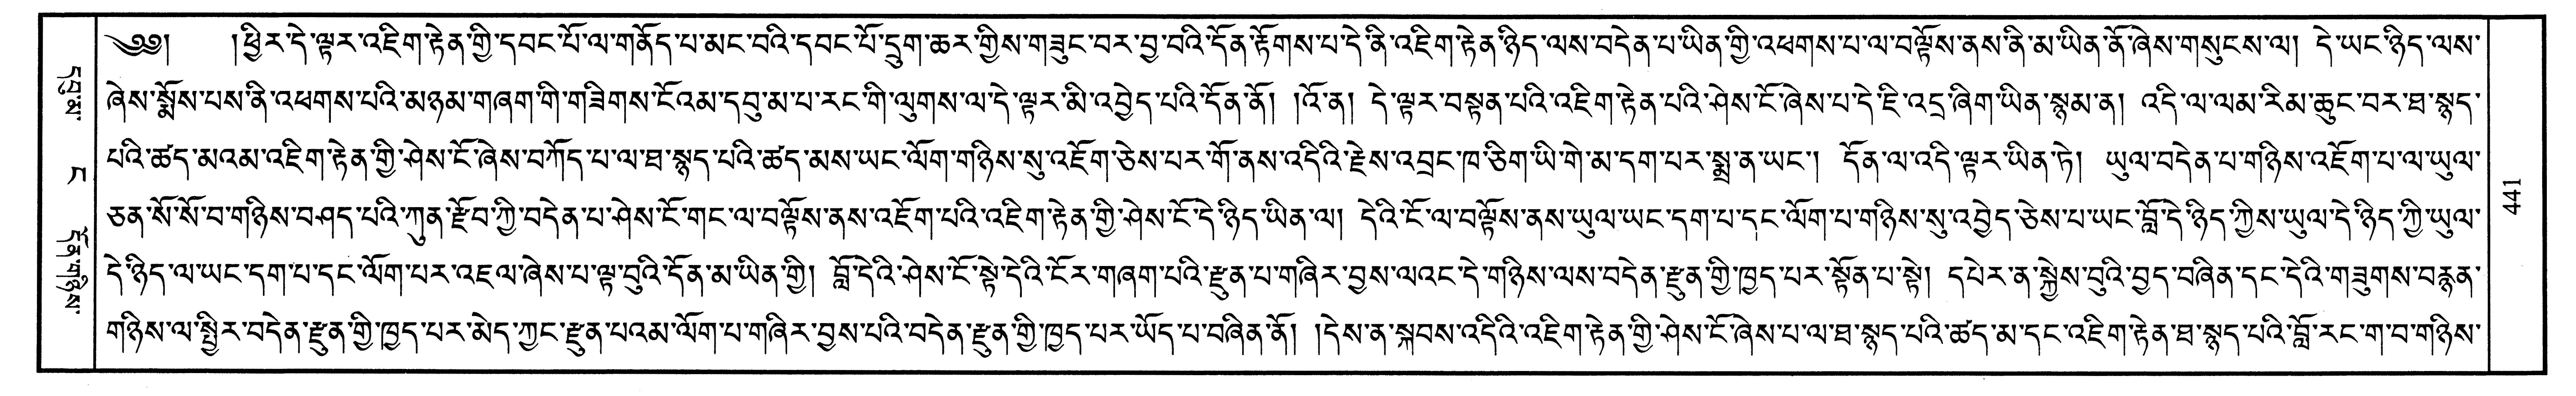༄༅། །ཕྱིར་དེ་ལྟར་འཇིག་རྟེན་གྱི་དབང་པོ་ལ་གནོད་པ་མང་བའི་དབང་པོ་དྲུག་ཆར་གྱིས་གཟུང་བར་བྱ་བའི་དོན་རྟོགས་པ་དེ་ནི་འཇིག་རྟེན་ཉིད་ལས་བདེན་པ་ཡིན་གྱི་འཕགས་པ་ལ་བལྟོས་ནས་ནི་མ་ཡིན་ནོ་ཞེས་གསུངས་ལ། དེ་ཡང་ཉིད་ལས་
ཞེས་སྨོས་པས་ནི་འཕགས་པའི་མཉམ་གཞག་གི་གཟིགས་ངོའམ་དབུ་མ་པ་རང་གི་ལུགས་ལ་དེ་ལྟར་མི་འབྱེད་པའི་དོན་ནོ། །འོ་ན། དེ་ལྟར་བསྟན་པའི་འཇིག་རྟེན་པའི་ཤེས་ངོ་ཞེས་པ་དེ་ཇི་འདྲ་ཞིག་ཡིན་སྙམ་ན། འདི་ལ་ལམ་རིམ་ཆུང་བར་ཐ་སྙད་
པའི་ཚད་མའམ་འཇིག་རྟེན་གྱི་ཤེས་ངོ་ཞེས་བཀོད་པ་ལ་ཐ་སྙད་པའི་ཚད་མས་ཡང་ལོག་གཉིས་སུ་འཇོག་ཅེས་པར་གོ་ནས་འདིའི་རྗེས་འབྲང་ཁ་ཅིག་ཡི་གེ་མ་དག་པར་སྨྲ་ན་ཡང་། དོན་ལ་འདི་ལྟར་ཡིན་ཏེ། ཡུལ་བདེན་པ་གཉིས་འཇོག་པ་ལ་ཡུལ་
ཅན་སོ་སོ་བ་གཉིས་བཤད་པའི་ཀུན་རྫོབ་ཀྱི་བདེན་པ་ཤེས་ངོ་གང་ལ་བལྟོས་ནས་འཇོག་པའི་འཇིག་རྟེན་གྱི་ཤེས་ངོ་དེ་ཉིད་ཡིན་ལ། དེའི་ངོ་ལ་བལྟོས་ནས་ཡུལ་ཡང་དག་པ་དང་ལོག་པ་གཉིས་སུ་འབྱེད་ཅེས་པ་ཡང་བློ་དེ་ཉིད་ཀྱིས་ཡུལ་དེ་ཉིད་ཀྱི་ཡུལ་
དེ་ཉིད་ལ་ཡང་དག་པ་དང་ལོག་པར་འཇལ་ཞེས་པ་ལྟ་བུའི་དོན་མ་ཡིན་གྱི། བློ་དེའི་ཤེས་ངོ་སྟེ་དེའི་ངོར་གཞག་པའི་རྫུན་པ་གཞིར་བྱས་ལའང་དེ་གཉིས་ལས་བདེན་རྫུན་གྱི་ཁྱད་པར་སྟོན་པ་སྟེ། དཔེར་ན་སྐྱེས་བུའི་བྱད་བཞིན་དང་དེའི་གཟུགས་བརྙན་
གཉིས་ལ་སྤྱིར་བདེན་རྫུན་གྱི་ཁྱད་པར་མེད་ཀྱང་རྫུན་པའམ་ལོག་པ་གཞིར་བྱས་པའི་བདེན་རྫུན་གྱི་ཁྱད་པར་ཡོད་པ་བཞིན་ནོ། །དེས་ན་སྐབས་འདིའི་འཇིག་རྟེན་གྱི་ཤེས་ངོ་ཞེས་པ་ལ་ཐ་སྙད་པའི་ཚད་མ་དང་འཇིག་རྟེན་ཐ་སྙད་པའི་བློ་རང་ག་བ་གཉིས་